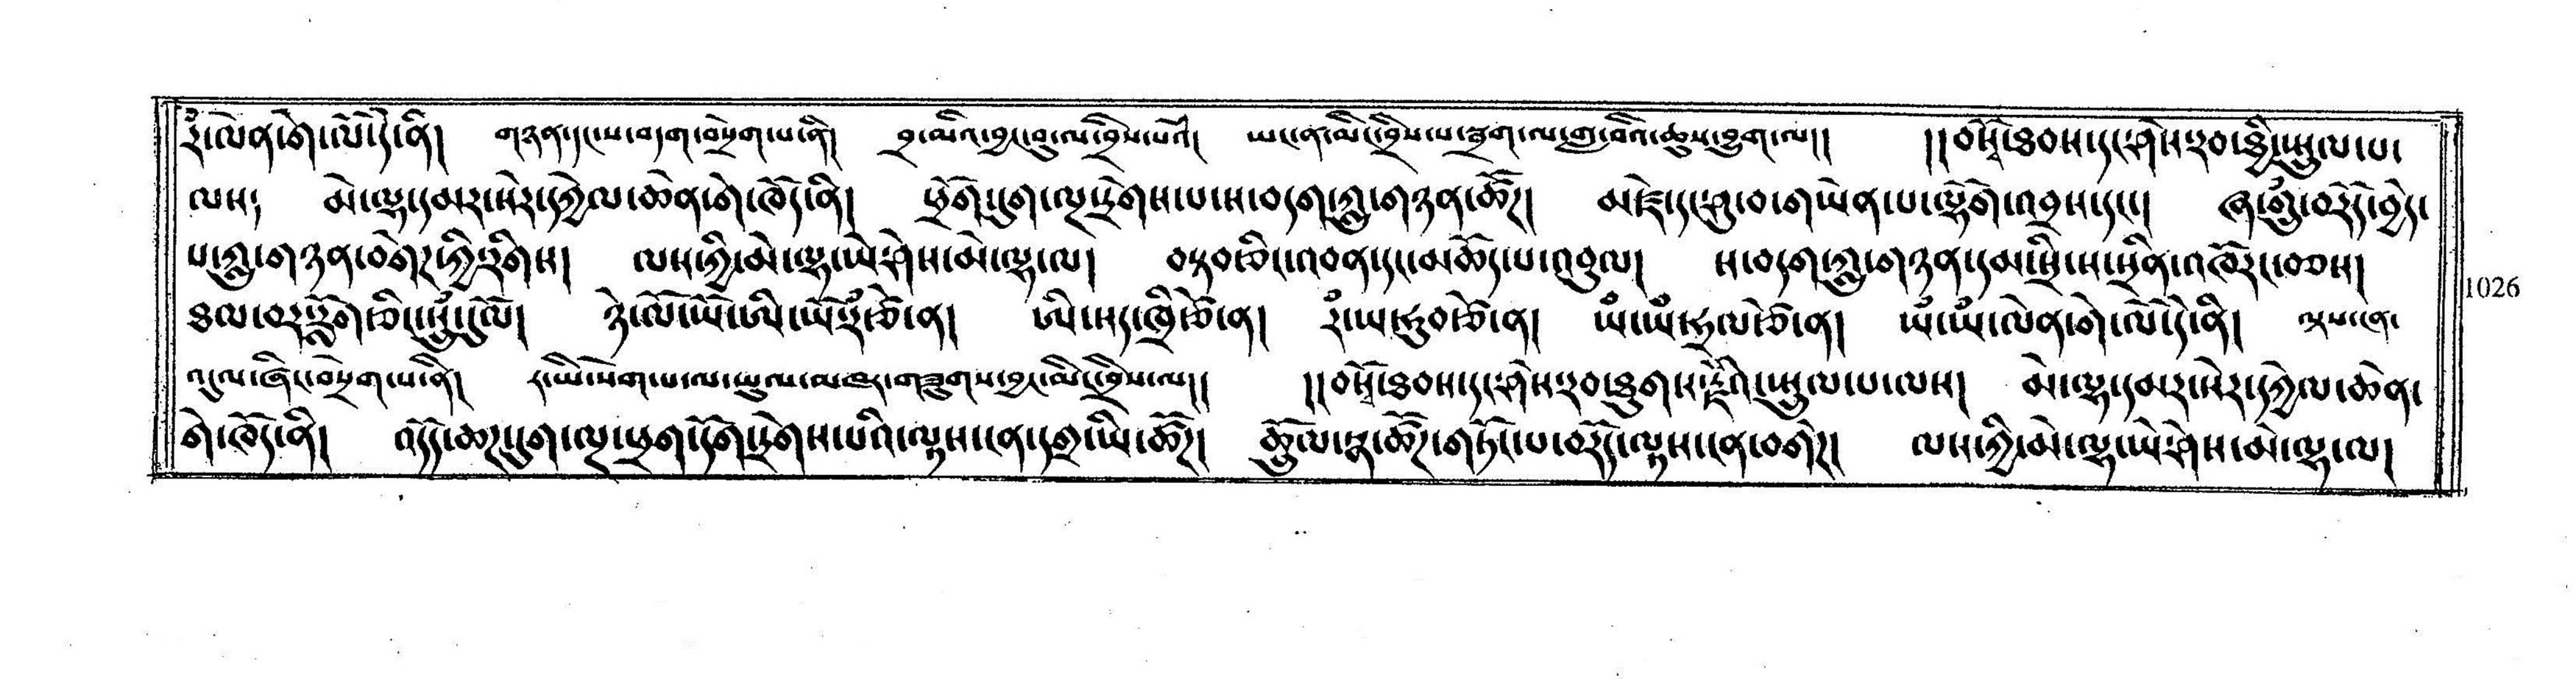རཾ་ལེན་གེ་ལོ་དེ་ནི། གཉན་དང་ས་བདག་བསྲེག་པ་ནི། བྲ་མའི་བྱང་བུ་ལ་བྲིས་པའམ། ཡང་ན་མིང་བྲིས་པ་སྦྲག་ལ་གླ་བའི་ཆུས་བྱུག་ལ།། །།བསྭོ་ཐབས་དང་ཤེས་རབ་ཐུགས་ཀྱི་སྤྲུལ་པ་
ལས། མེ་ལྷ་དམར་སེར་དཀྱེལ་ཆེན་གེ་ཁོད་ནི། ཕྲག་དོག་དུག་ལྔ་དྲེགས་པ་ས་བདག་ཀླུ་གཉན་ཚོགས། མཛེ་དང་ཤུ་བ་གཡེན་པ་ལྷོག་འབྲས་དང་། ཞ་གྲུཾ་བར་ཆོད་བྱེད་
པ་ཀླུ་གཉན་བགེགས་ཀྱི་རིགས། ལས་ཀྱི་མེ་ལྷ་ཡེ་ཤེས་མེ་ལྷ་ལ། བསྟབ་ཅིང་འབན་དང་མཆོད་པ་འབུལ། ས་བདག་ཀླུ་གཉན་དམ་སྲི་ས་སྲིན་འཁོར་དང་བཅས། 
ཐལ་བར་རློག་ཅིང་སྲུང་དུ་གསོལ། ཉེ་ལོ་ཡོ་ཨི་ཡོ་རཾ་ཙེ་ན། ཨི་སད་ཁྲི་ཙེ་ན། རཾ་ཡ་ཧུབ་ཙེ་ན། ཡཾ་ཡཾ་ཧྲལ་ཙེ་ན། ཡཾ་ཡཾ་ལེན་གེ་ལོ་དེ་ནི། ལྟས་ངན་
འདུལ་ཞིང་བསྲེག་པ་ནི། ར་ཡི་སོག་པ་ལ་ཡུལ་མཁར་གཟུགས་བྱང་མིང་བྲིས་ལ། །།བསྭོ་ཐབས་དང་ཤེས་རབ་ཐུགས་རྗེའི་སྤྲུལ་པ་ལས། མེ་ལྷ་དམར་སེར་དཀྱེལ་ཆེན་
གེ་ཁོད་ནི། འདོད་ཆགས་དུག་ལྔ་ཕྲག་དོག་དྲེགས་པའི་ལྟས་ངན་དགྲ་ཡི་ཚོགས། ཆོ་འཕྲུལ་སྣ་ཚོགས་གཏོང་པ་བར་ཆོད་ལྟས་ངན་བགེགས། ལས་ཀྱི་མེ་ལྷ་ཡེ་ཤེས་མེ་ལྷ་ལ།